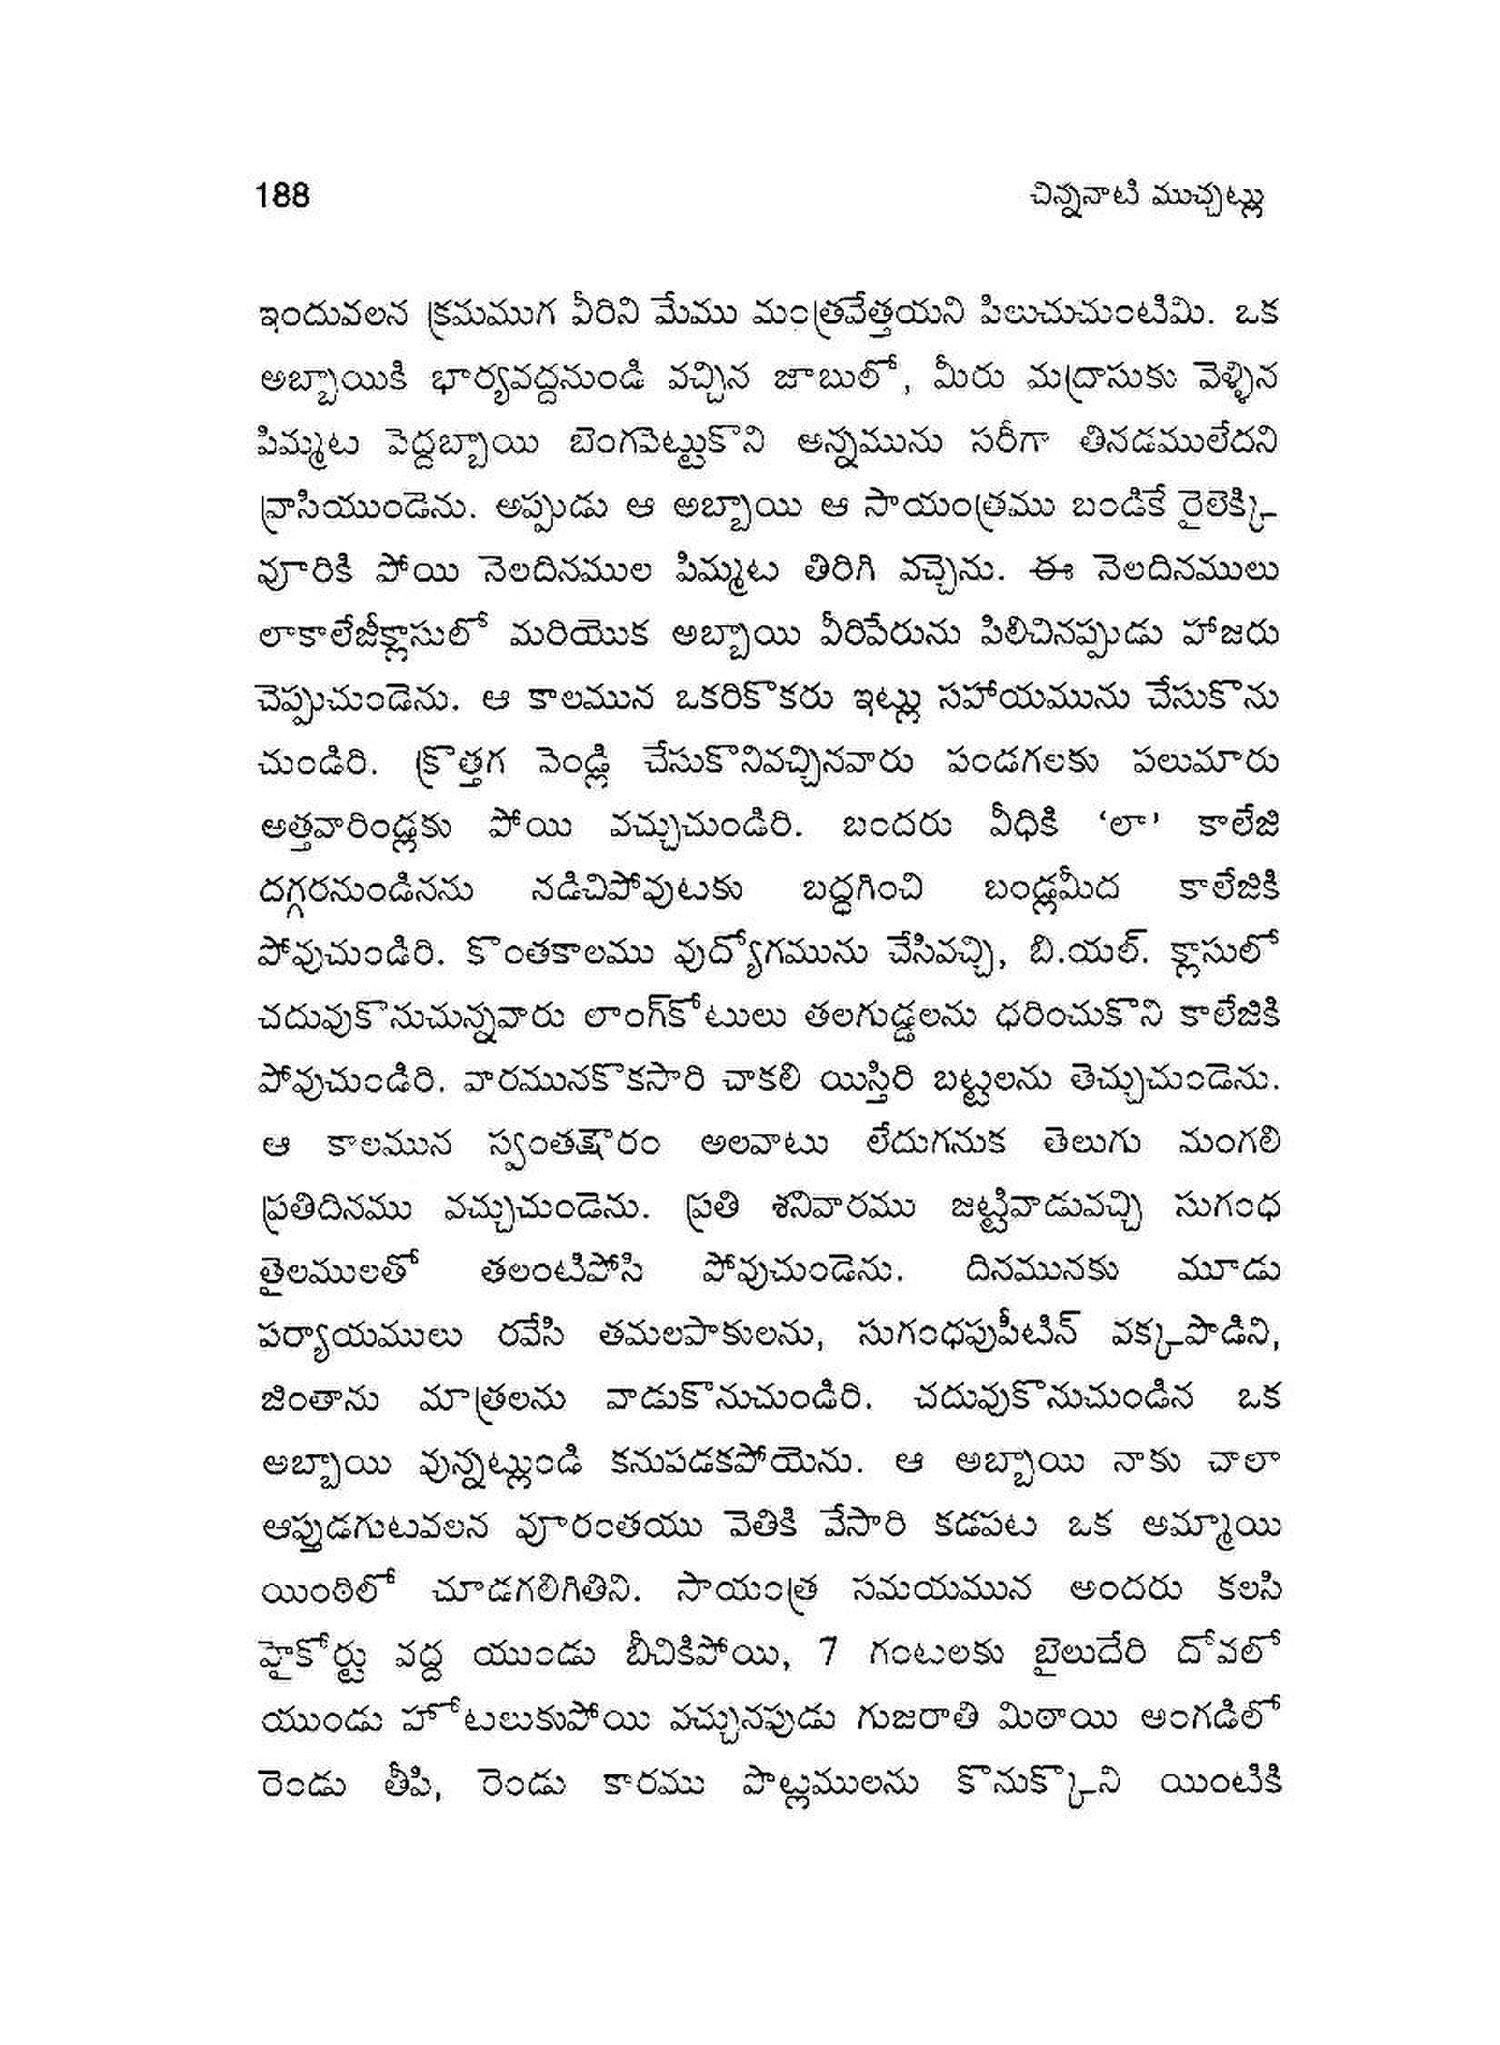ఇందువలన క్రమముగ వీరిని మేము మంత్రవేత్తయని పిలుచుచుంటిమి. ఒక అబ్బాయికి భార్యవద్దనుండి వచ్చిన జాబులో, మీరు మద్రాసుకు వెళ్ళిన పిమ్మట పెద్దబ్బాయి బెంగపెట్టుకొని అన్నమును సరీగా తినడములేదని వ్రాసియుండెను. అప్పడు ఆ అబ్బాయి ఆ సాయంత్రము బండికే రైలెక్కి వూరికి పోయి నెలదినముల పిమ్మట తిరిగి వచ్చెను. ఈ నెలదినములు లాకాలేజీక్లాసులో మరియొక అబ్బాయి వీరిపేరును పిలిచినప్పుడు హాజరు చెప్పచుండెను. ఆ కాలమున ఒకరికొకరు ఇట్లు సహాయమును చేసుకొనుచుండిరి. క్రొత్తగ పెండ్లి చేసుకొనివచ్చినవారు పండగలకు పలుమారు అత్తవారిండ్లకు పోయి వచ్చుచుండిరి. బందరు వీధికి 'లా' కాలేజి దగ్గరనుండినను నడిచిపోవుటకు బద్దగించి బండ్లమీద కాలేజికి పోవుచుండిరి. కొంతకాలము వుద్యోగమును చేసివచ్చి, బి.యల్. క్లాసులో చదువుకొనుచున్నవారు లాంగ్ కోటులు తలగుడ్డలను ధరించుకొని కాలేజికి పోవుచుండిరి. వారమునకొకసారి చాకలి యిస్తిరి బట్టలను తెచ్చుచుండెను. ఆ కాలమున స్వంత క్షౌరం అలవాటు లేదుగనుక తెలుగు మంగలి ప్రతిదినము వచ్చుచుండెను. ప్రతి శనివారము జట్టివాడువచ్చి సుగంధ తైలములతో తలంటిపోసి పోవుచుండెను. దినమునకు మూడు పర్యాయములు రవేసి తమలపాకులను, సుగంధపుపీటిన్ వక్కపొడిని, జింతాను మాత్రలను వాడుకొనుచుండిరి. చదువుకొనుచుండిన ఒక అబ్బాయి వున్నట్లుండి కనుపడకపోయెను. ఆ అబ్బాయి నాకు చాలా ఆప్తుడగుటవలన వూరంతయు వెతికి వేసారి కడపట ఒక అమ్మాయి యింఠిలో చూడగలిగితిని. సాయంత్ర సమయమున అందరు కలసి హైకోర్టు వద్ద యుండు బీచికిపోయి, 7 గంటలకు బైలుదేరి దోవలో యుండు హోటలుకుపోయి వచ్చునపుడు గుజరాతి మిఠాయి అంగడిలో రెండు తీపి, రెండు కారము పొట్లములను కొనుక్కొని యింటికి